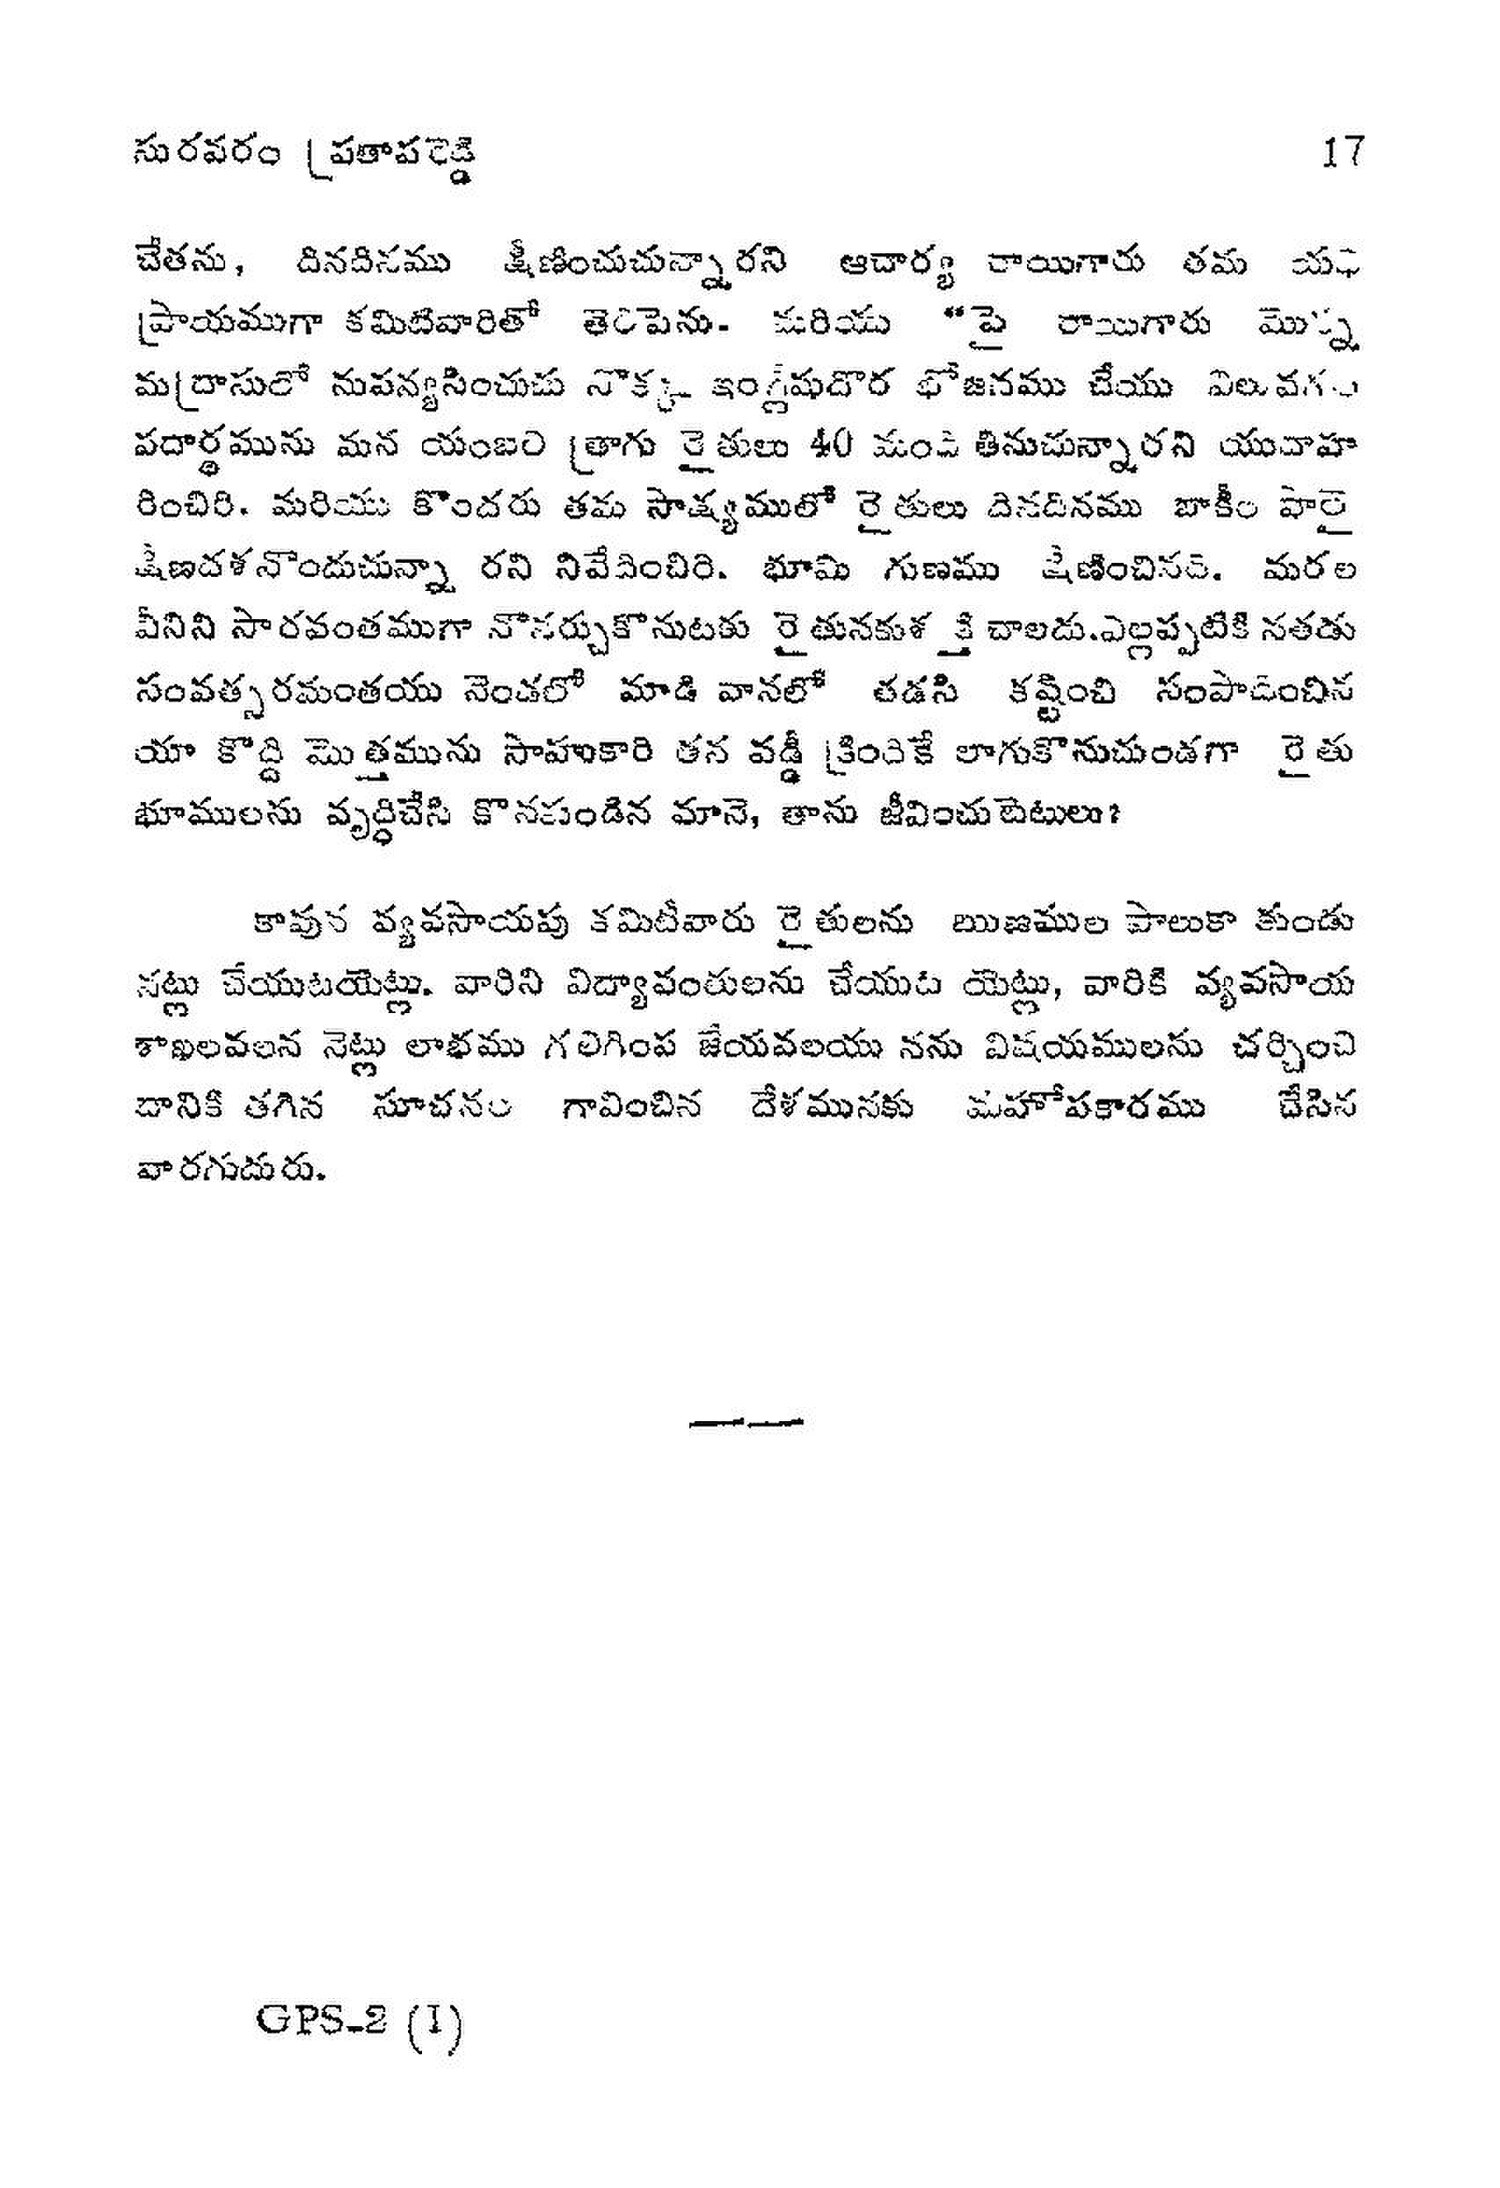చేతను, దినదినము క్షీణించుచున్నారని ఆచార్య రాయిగారు తమ యభిప్రాయముగా కమిటివారితో తెలిపెను. మరియు "పై రాయిగారు మొన్న మద్రాసులో నుపన్యసించుచు నొక్క ఇంగ్లీషుదొర భోజనము చేయు విలువగల
పదార్థమును మన యంబలి త్రాగు రైతులు 40 మంది తినుచున్నారని యుదాహరించిరి. మరియు కొందరు తమ సాక్ష్యములో రైతులు దినదినము బాకీల పాలై క్షీణదశనొందుచున్నా రని నివేదించిరి. భూమి గుణము క్షీణించినది. మరల వీనిని సారవంతముగా నొనర్చుకొనుటకు రైతునకుశ క్తి చాలదు.ఎల్లప్పటికి నతడు సంవత్సరమంతయు నెండలో మాడి వానలో తడసి కష్టించి సంపాదించిన యా కొద్ది మొత్తమును సాహుకారి తన వడ్డీ క్రిందికే లాగుకొనుచుండగా రైతు భూములను వృద్ధిచేసి కొనకుండిన మానె, తాను జీవించుటెటులు?

కావున వ్యవసాయపు కమిటీవారు రైతులను ఋణముల పాలుకా కుండునట్లు చేయుటయెట్లు. వారిని విద్యావంతులను చేయుట యెట్లు, వారికి వ్యవసాయ శాఖలవలన నెట్లు లాభము గలిగింప జేయవలయు నను విషయములను చర్చించి దానికి తగిన సూచనం గావించిన దేశమునకు మహోపకారము చేసిన వారగుదురు.